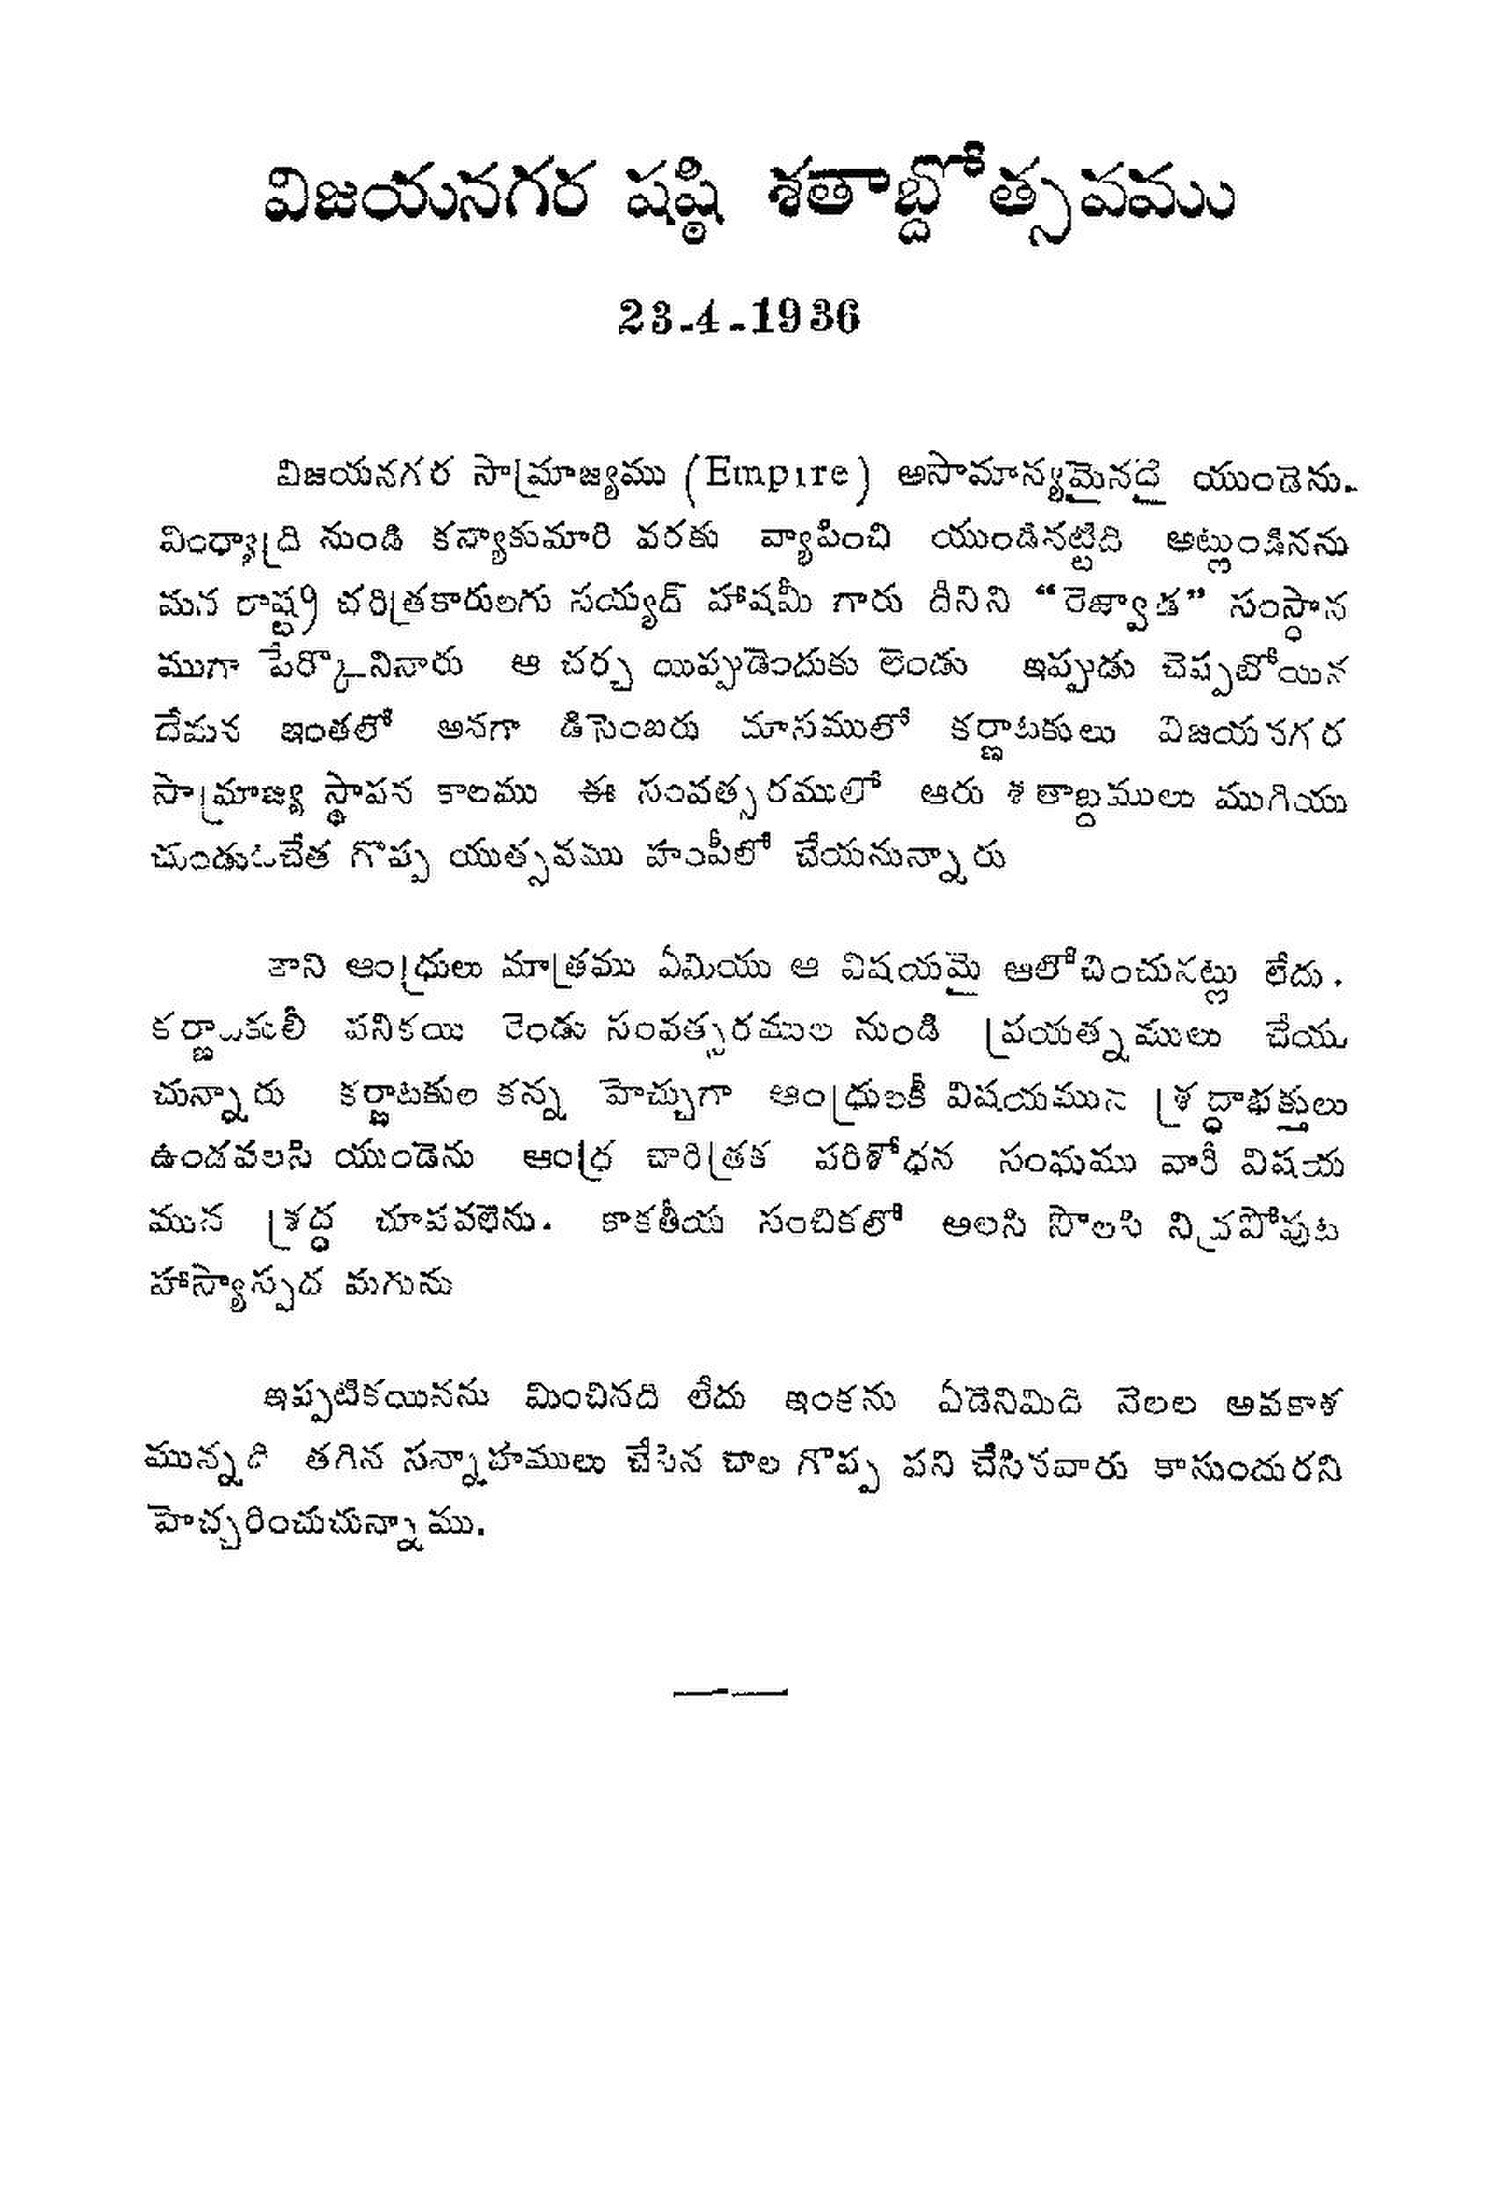విజయనగర షష్ఠి శతాబ్దోత్సవము

23 - 4 - 1936

విజయనగర సామ్రాజ్యము (Empire) అసామాన్యమైనదై యుండెను. వింధ్యాద్రి నుండి కన్యాకుమారి వరకు వ్యాపించి యుండినట్టిది అట్లుండినను మన రాష్ట్ర చరిత్రకారులగు సయ్యద్ హాషమీ గారు దీనిని "రెజ్వాడ" సంస్థానముగా పేర్కొనినారు ఆ చర్చ యిప్పుడెందుకు లెండు ఇప్పుడు చెప్పబోయిన దేమన ఇంతలో అనగా డిసెంబరు మాసములో కర్ణాటకులు విజయనగరసామ్రాజ్య స్థాపన కాలము ఈ సంవత్సరములో ఆరు శతాబ్దములు ముగియు చుండుటచేత గొప్ప యుత్సవము హంపీలో చేయనున్నారు

కాని ఆంధ్రులు మాత్రము ఏమియు ఆ విషయమై ఆలోచించునట్లు లేదు. కర్ణాటకులీ పనికయి రెండు సంవత్సరముల నుండి ప్రయత్నములు చేయుచున్నారు. కర్ణాటకుల కన్న హెచ్చుగా ఆంధ్రులకీ విషయమున శ్రద్ధాభక్తులు ఉండవలసి యుండెను ఆంధ్ర చారిత్రక పరిశోధన సంఘము వారీ విషయమున శ్రద్ధ చూపవలెను. కాకతీయ సంచికలో అలసి సొలసి నిద్రపోవుట హాస్యాస్పద మగును

ఇప్పటికయినను మించినది లేదు ఇంకను ఏడెనిమిది నెలల అవకాశమున్నది తగిన సన్నాహములు చేసిన చాల గొప్ప పని చేసినవారు కానుందురని హెచ్చరించుచున్నాము.